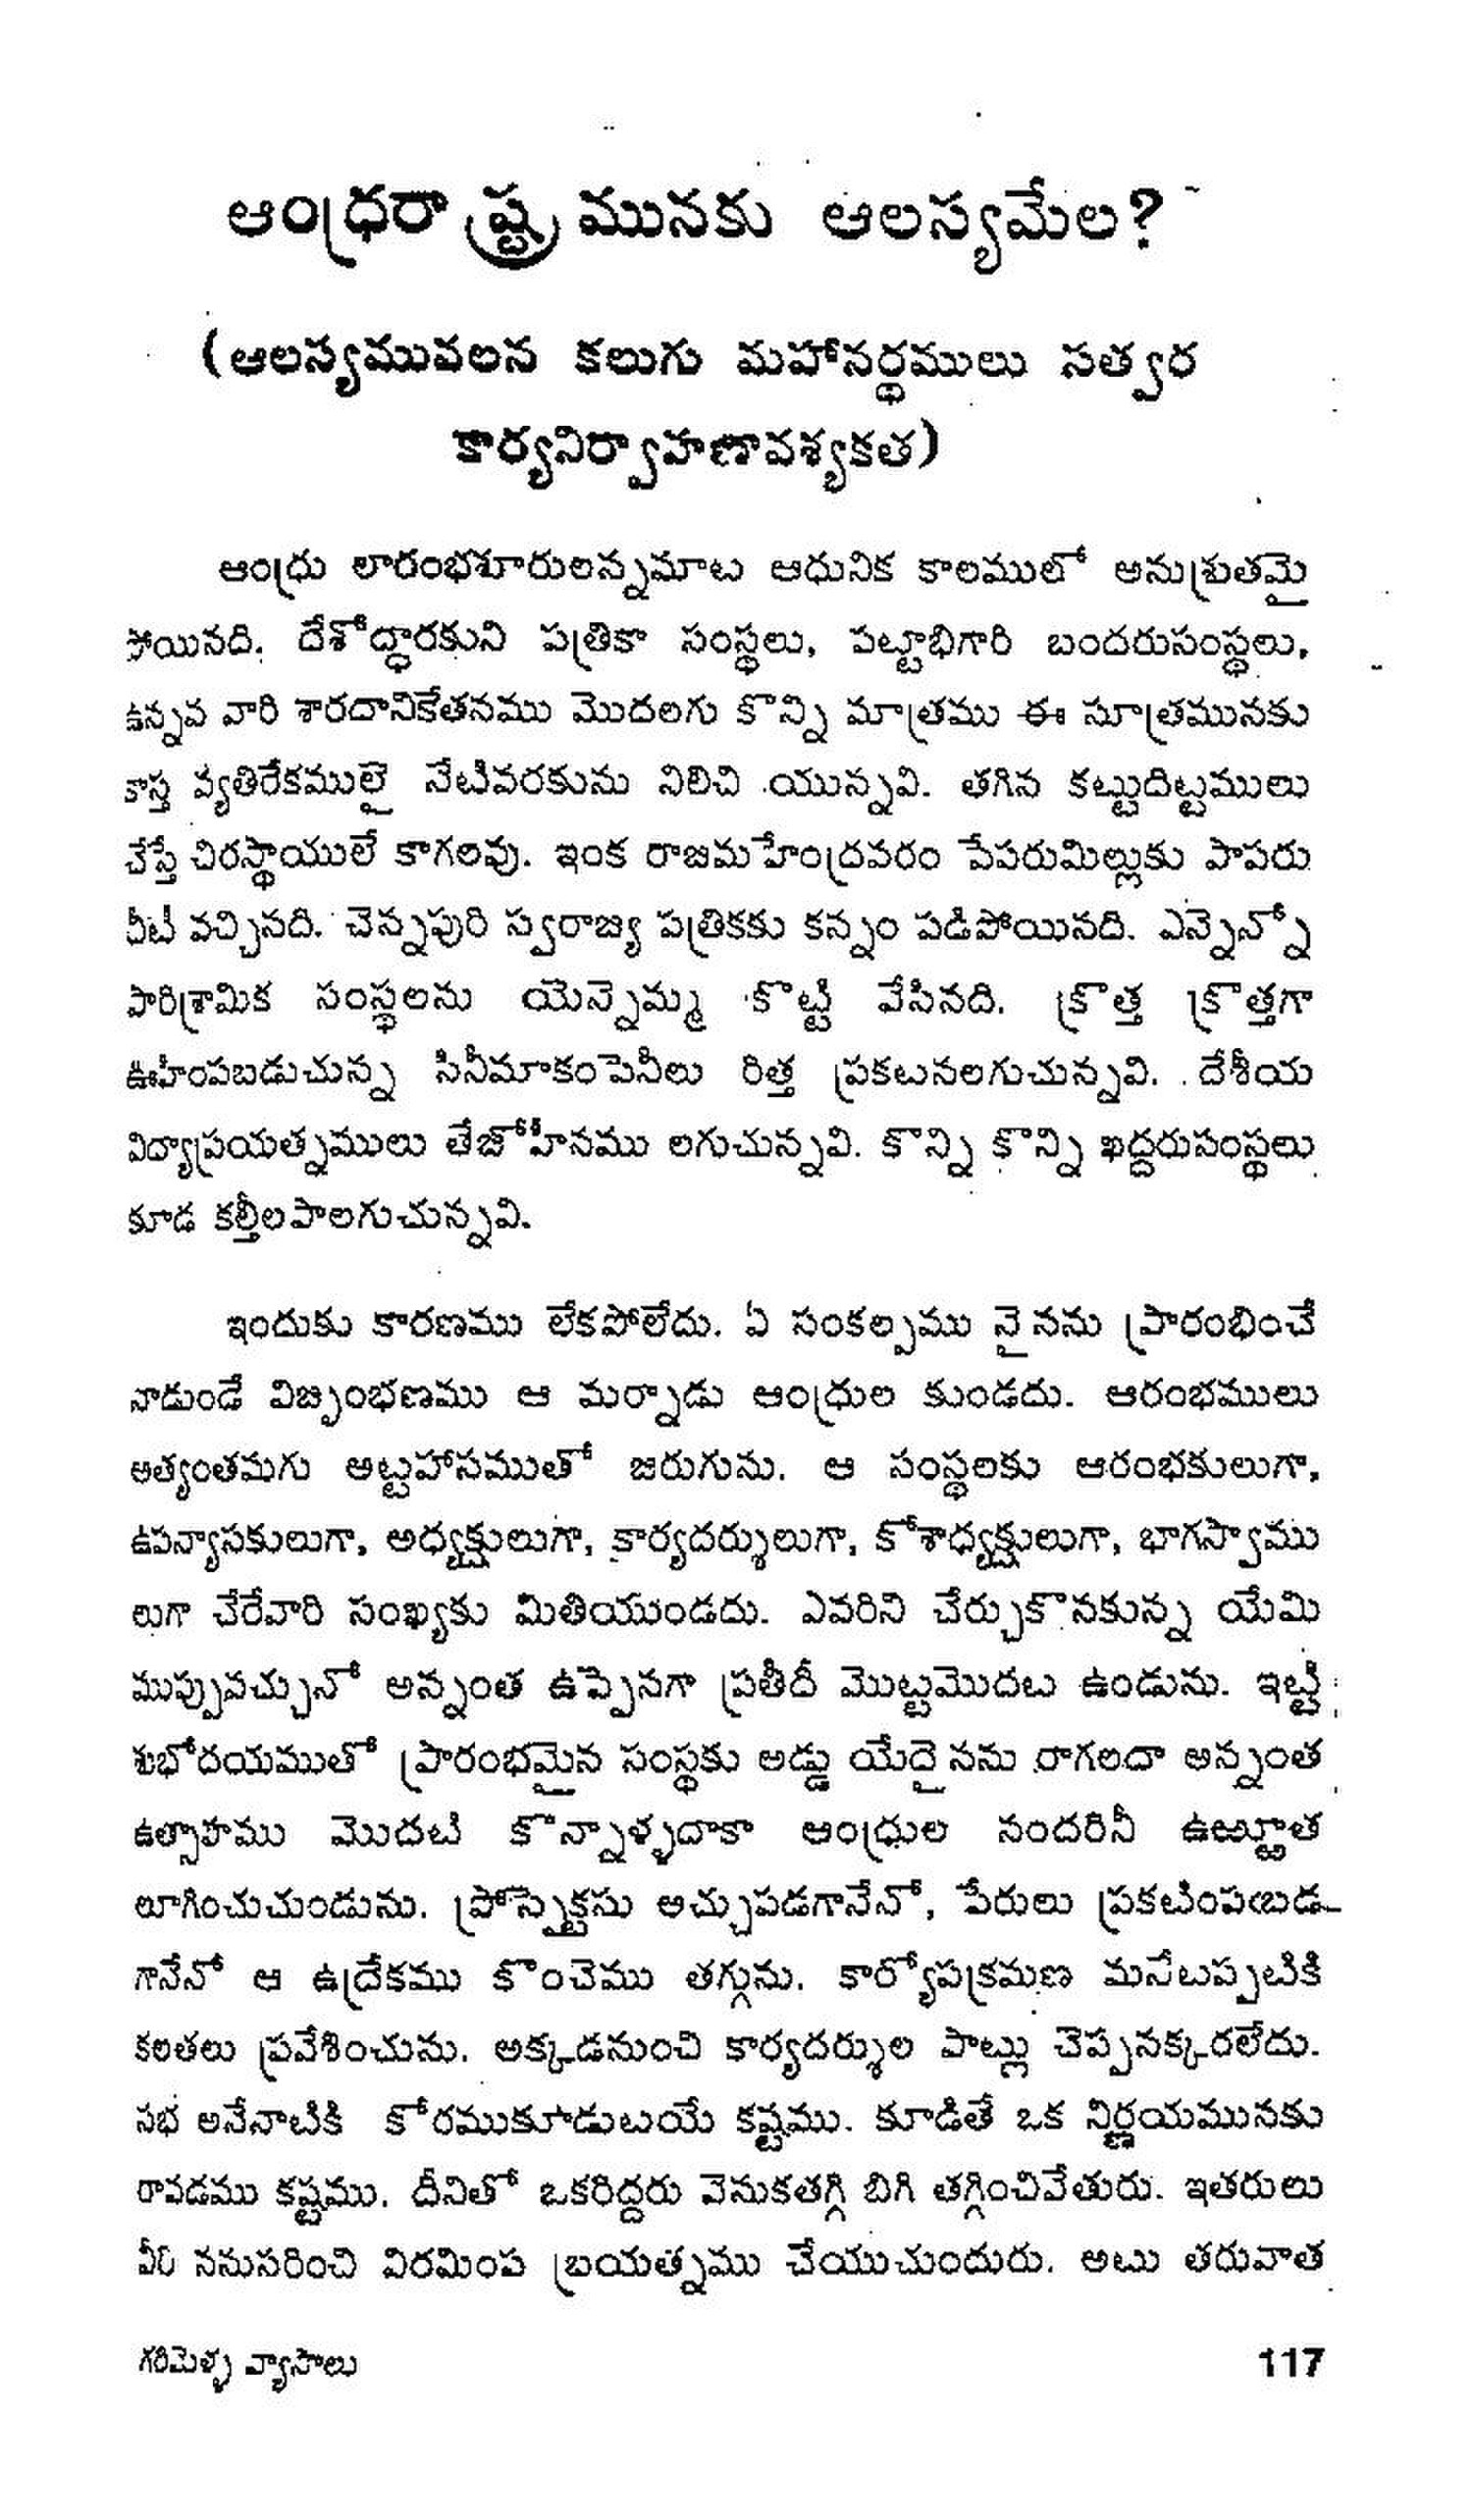ఆంధ్రరాష్ట్రమునకు ఆలస్యమేల?

ఆంధ్రు లారంభశూరులన్నమాట ఆధునిక కాలములో అనుశ్రుతమై పోయినది. దేశోద్ధారకుని పత్రికా సంస్థలు, పట్టాభిగారి బందరుసంస్థలు, ఉన్నవ వారి శారదానికేతనము మొదలగు కొన్ని మాత్రము ఈ సూత్రమునకు కాస్త వ్యతిరేకములై నేటివరకును నిలిచి యున్నవి. తగిన కట్టుదిట్టములు చెస్తే చిరస్థాయులే కాగలవు ఇంక రాజమహేంద్రవరం పేపరుమిల్లుకు పాపరు చీటీ వచ్చినది. చెన్నపురి స్వరాజ్య పత్రికకు కన్నం పడిపోయినది. ఎన్నెన్నో పారిశ్రామిక సంస్థలను యెన్నెమ్మ కొట్టి వేసినది. క్రొత్త క్తొత్తగా ఊహింపబడుచున్న సినీమాకంపెనీలు రిత్త ప్రకటనలగుచున్నవి. దేశీయ విద్యాప్రయత్నములు తేజోహీనము లగుచున్నవి. కొన్ని కొన్ని ఖధ్దరుసంస్థలు కూడ కల్తీలపాలగుచున్నవి.

ఇందుకు కారణము లేకపోలేదు. ఏ సంకల్పము నైనను ప్రారంభించే నాడుండే విజృంభణము ఆ మర్నాడు ఆంధ్రుల కుండదు. ఆరంభములు అత్యంతమగు అట్టహాసముతో జరుగును. ఆ సంస్థలకు ఆరంభకులుగా, ఉపన్యాసకులుగా, అధ్యక్షులుగా, కార్యదర్శులుగా, కోశాధ్యక్షులుగా, భాగస్వాములుగా చేరేవారి సంఖ్యకు మితియుండదు. ఎవరిని చేర్చుకొనకున్న యేమి ముప్పువచ్చునో అన్నంత ఉప్పనగా ప్రతీదీ మొట్టమొదట ఉండను. ఇట్టి శుభోదయముతో ప్రారంభమైన సంస్థకు అడ్దు యేదైనను రాగలదా అన్నంత ఉత్సాహము మొదటి కొన్నాళ్ళదాకా ఆంధ్రుల నందరినీ ఉఱ్ఱూత లూగించుచుండును. ప్రోస్పెక్టసు అచ్చుపడగానేనో, పేరులు ప్రకటింపబడగానేనో ఆ ఉద్రేకము కొంచెము తగ్గును. కార్యోపక్రమణ మనేటప్పటికి కలతలు ప్రవేశించును. అక్కడనుంచి కార్యదర్శుల పాట్లు చెప్పనక్కరలేదు. సభ అనేనాటికి కోరముకూడుటయే కష్టము. కూడితే ఒక నిర్ణయమునకు రావడము కష్టము. దీనితో ఒకరిద్దరు వెనుకతగ్గి బిగి తగ్గించివేతురు. ఇతరులు వీరి ననుసరించి విరమింప బ్రయత్నము చేయుచుందురు. అటు తరువాత